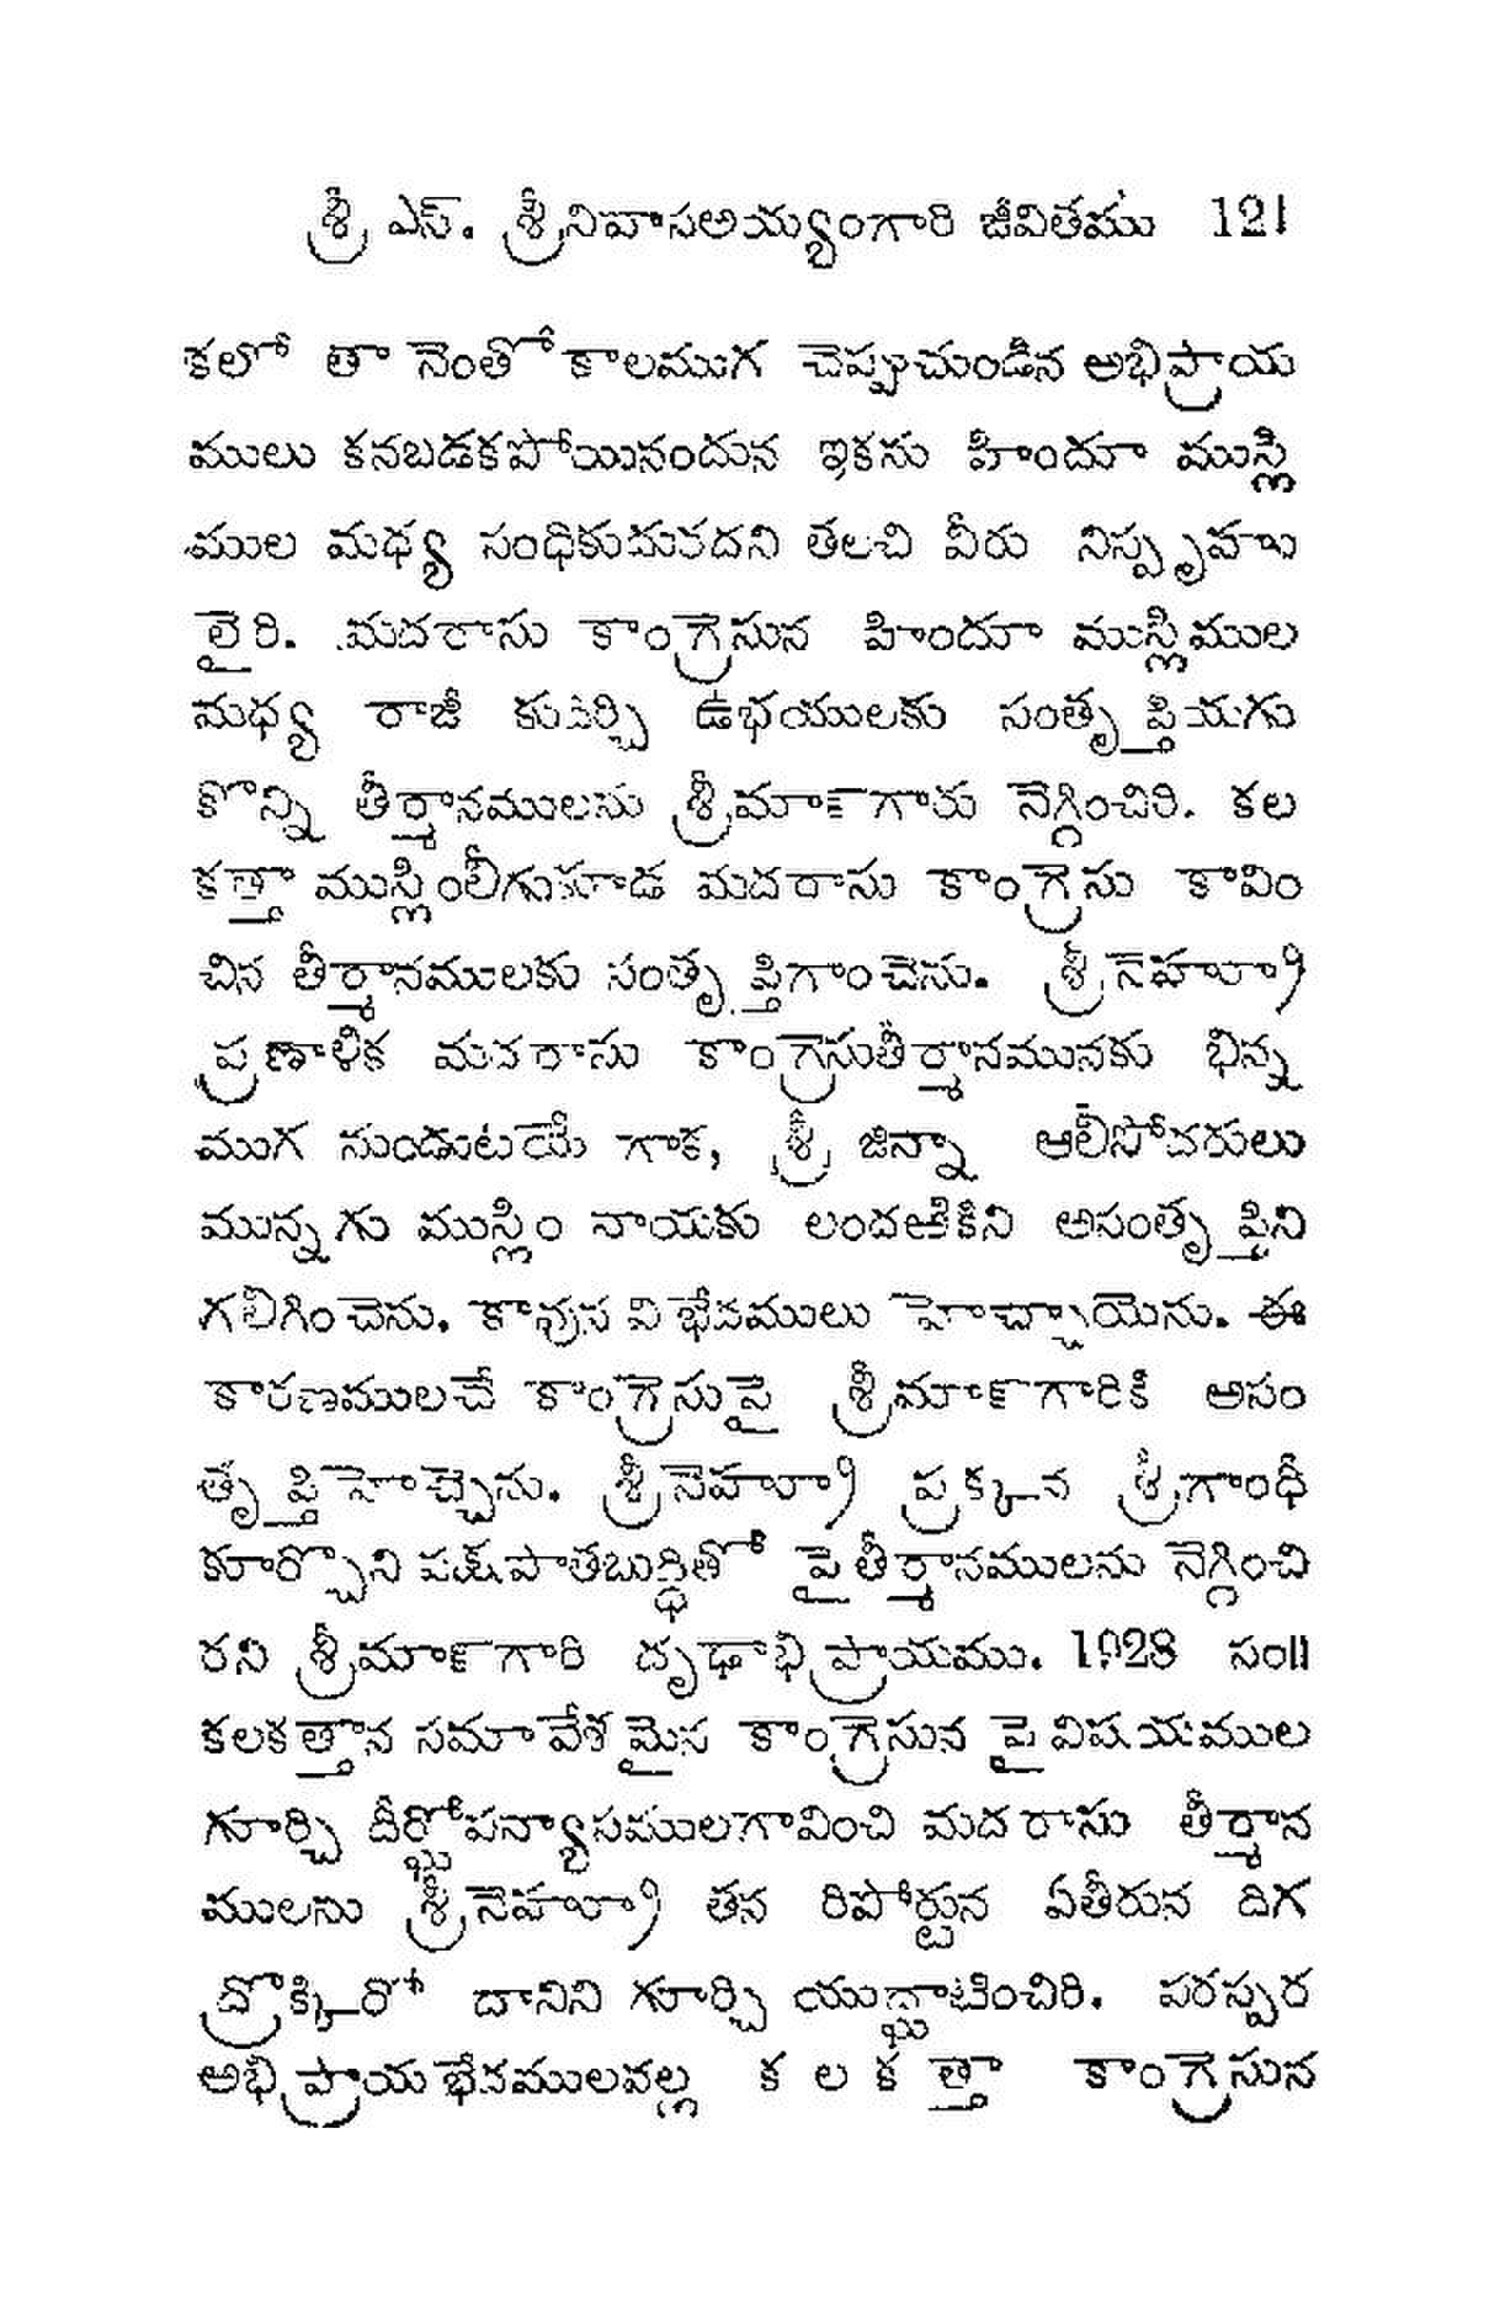కలో తా నెంతోకాలముగ చెప్పుచుండిన అభిప్రాయములు కనబడకపోయినందున ఇకను హిందూ ముస్లిముల మధ్య సంధికుదురదని తలచి వీరు నిస్పృహులైరి. మదరాసు కాంగ్రెసున హిందూ ముస్లిముల మధ్య రాజీ కుదిర్చి ఉభయులకు సంతృప్తియగు కొన్ని తీర్మానములను శ్రీమా౯గారు నెగ్గించిరి. కలకత్తా ముస్లింలీగుకూడ మదరాసు కాంగ్రెసు కావించిన తీర్మానములకు సంతృప్తిగాంచెను. శ్రీనెహ్రూ ప్రణాళిక మదరాసు కాంగ్రెసుతీర్మానమునకు భిన్నముగ నుండుటయే గాక, శ్రీ జిన్నా ఆలీసోదరులు మున్నగు ముస్లిం నాయకు లందఱికిని అసంతృప్తిని గలిగించెను. కావున విభేదములు హెచ్చాయెను. ఈ కారణములచే కాంగ్రెసుపై శ్రీమా౯గారికి అసంతృప్తి హెచ్చెను. శ్రీనెహ్రూ ప్రక్కన శ్రీగాంధీకూర్చొని పక్షపాతబుద్ధితో పైతీర్మానములను నెగ్గించిరని శ్రీమా౯గారి దృఢాభిప్రాయము. 1928 సం!! కలకత్తాన సమావేశమైన కాంగ్రెసున పైవిషయముల గూర్చి దీర్ఘోపన్యాసముల గావించి మదరాసు తీర్మానములను శ్రీనెహ్రూ తన రిపోర్టున ఏతీరున దిగ ద్రొక్కిరో దానిని గూర్చి యుద్ఘాటించిరి. పరస్పర అభిప్రాయభేదములవల్ల కలకత్తా కాంగ్రెసున